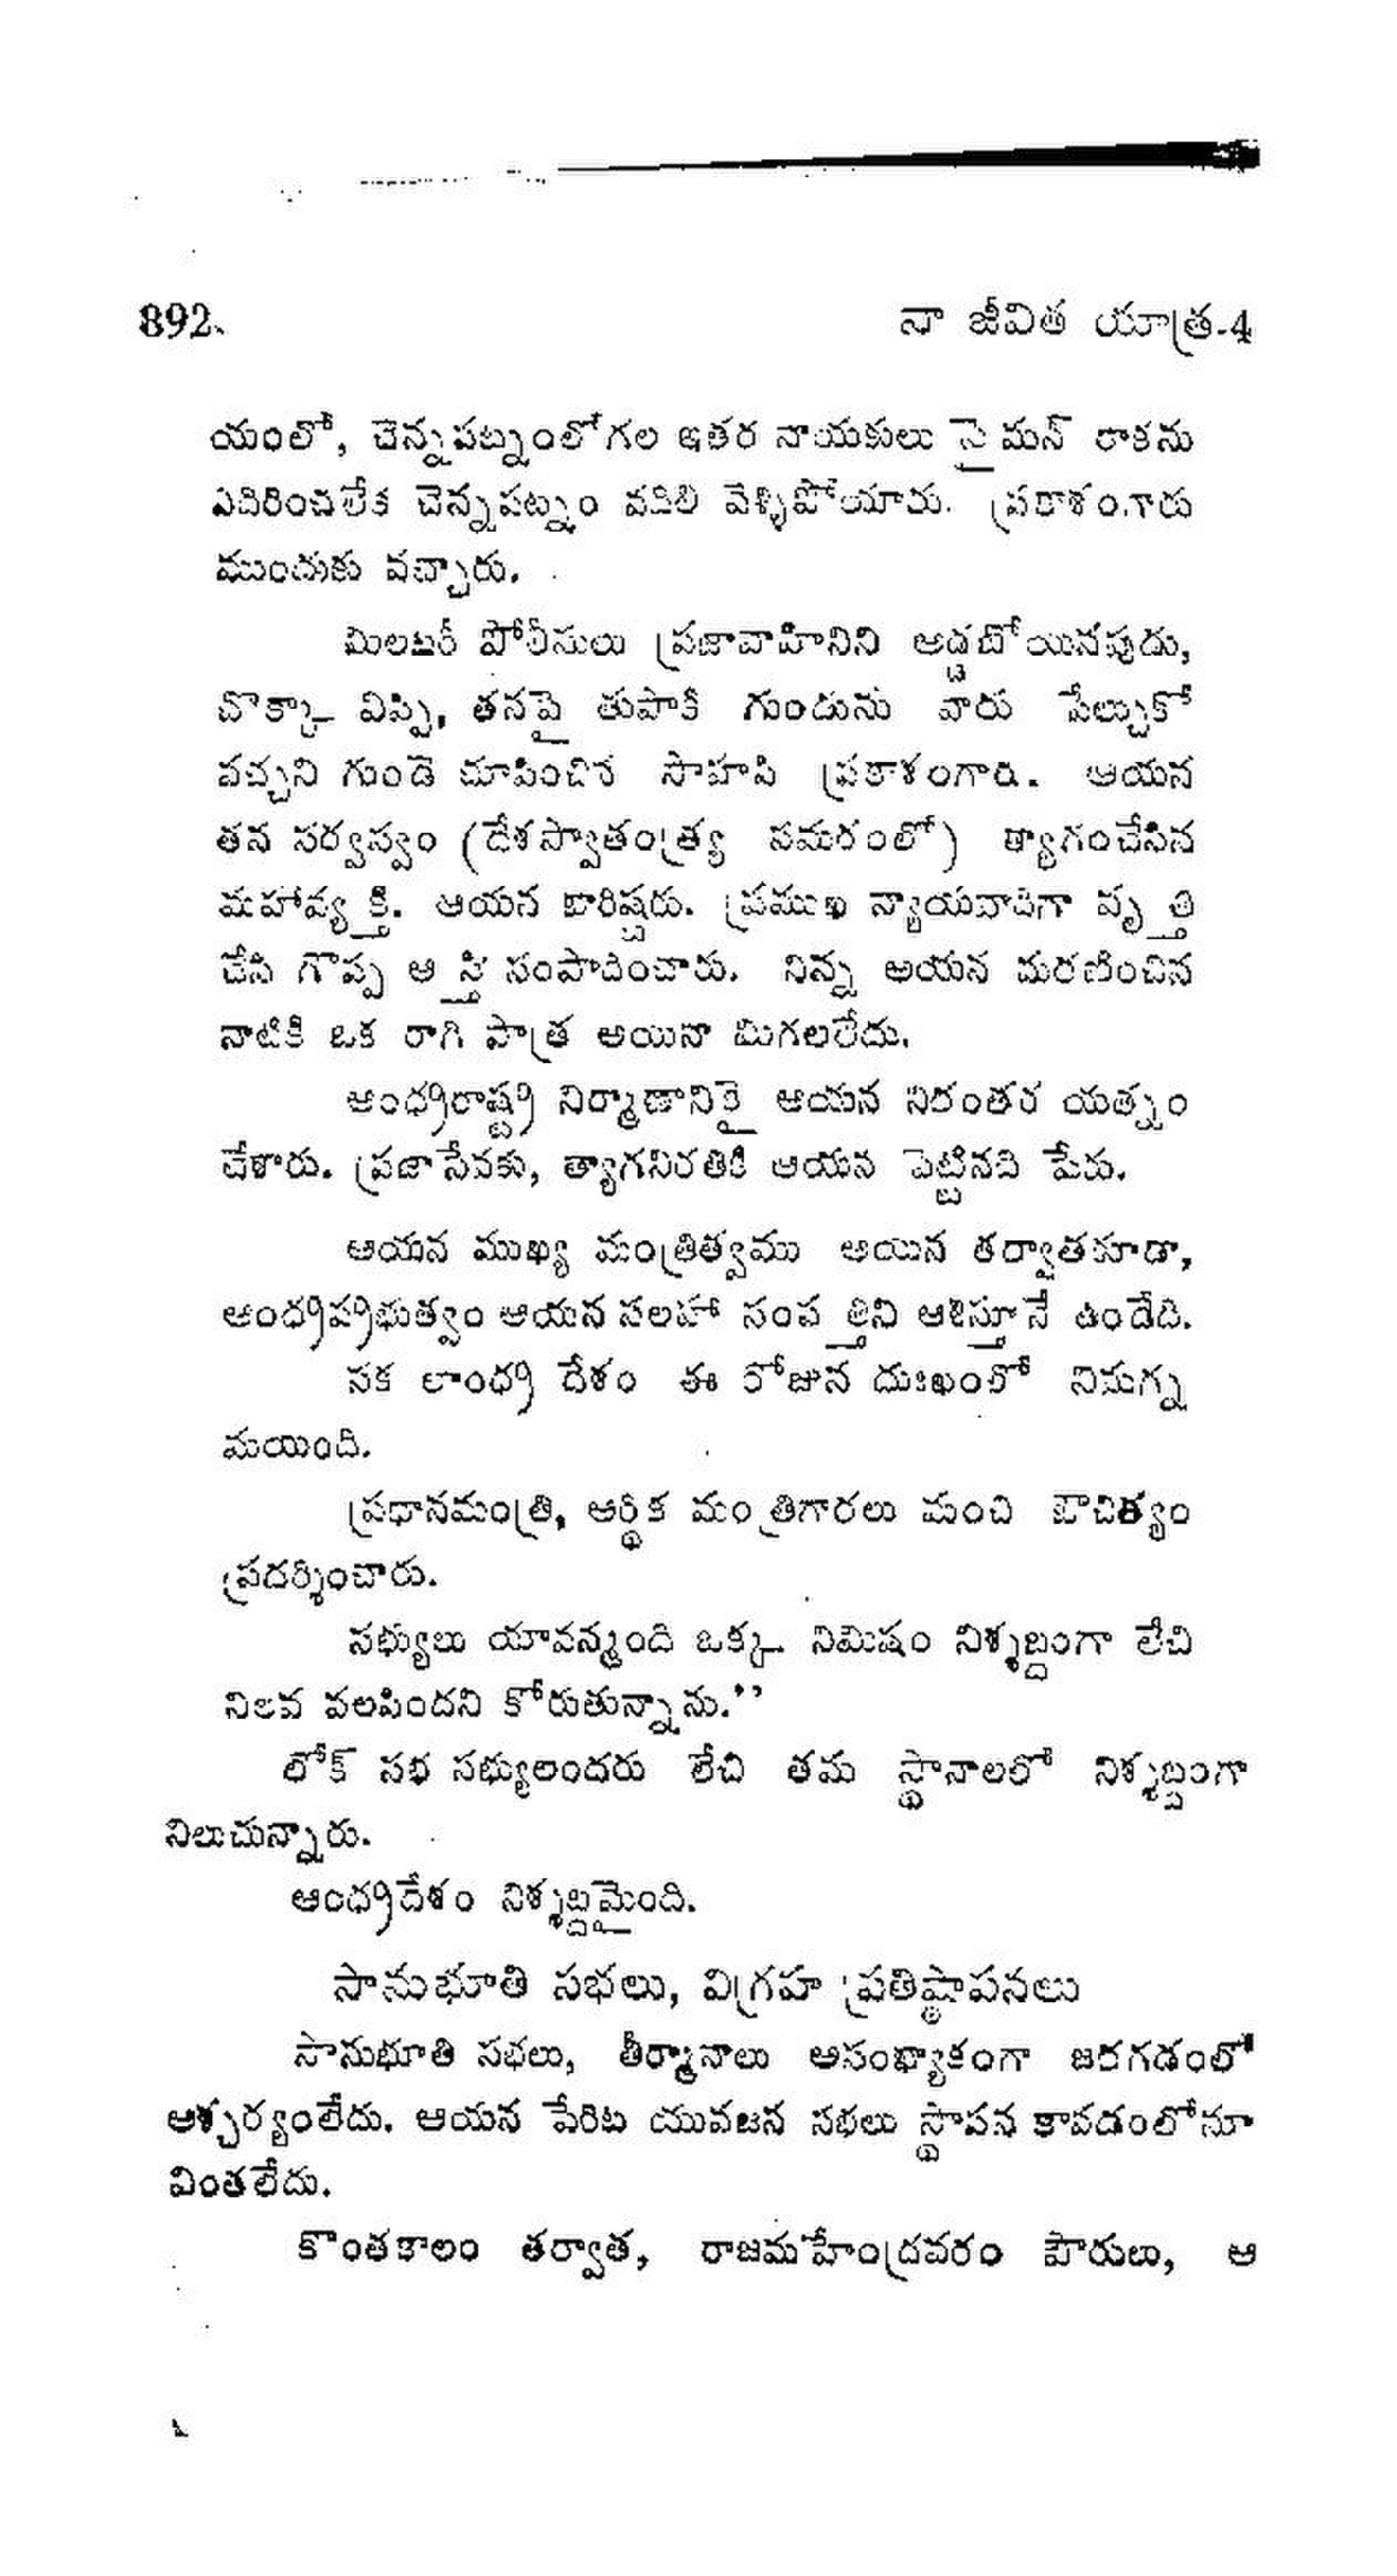యంలో, చెన్నపట్నంలో గల ఇతర నాయకులు సైమన్ రాకను ఎదిరించలేక చెన్నపట్నం వదిలి వెళ్ళిపోయారు. ప్రకాశంగారు ముందుకు వచ్చారు.

మిలటరీ పోలీసులు ప్రజావాహినిని అడ్డబోయినపుడు, చొక్కా విప్పి, తనపై తుపాకి గుండును వారు పేల్చుకోవచ్చని గుండె చూపించిన సాహసి ప్రకాశంగారు. ఆయన తన సర్వస్వం (దేశస్వాతంత్ర్య సమరంలో) త్యాగంచేసిన మహావ్యక్తి. ఆయన బారిష్టరు. ప్రముఖ న్యాయవాదిగా వృత్తిచేసి గొప్ప ఆస్తి సంపాదించారు. నిన్న ఆయన మరణించిన నాటికి ఒక రాగి పాత్ర అయినా మిగలలేదు.

ఆంధ్రరాష్ట్ర నిర్మాణానికై ఆయన నిరంతర యత్నం చేశారు. ప్రజాసేవకు, త్యాగనిరతికి ఆయన పెట్టినది పేరు.

ఆయన ముఖ్య మంత్రిత్వము ఆయిన తర్వాతకూడా, ఆంధ్రప్రభుత్వం ఆయన సలహా సంపత్తిని ఆశిస్తూనే ఉండేది.

సక లాంధ్ర దేశం ఈ రోజున దు:ఖంలో నిమగ్బమయింది.

ప్రధానమంత్రి, ఆర్థిక మంత్రిగారలు మంచి ఔచిత్యం ప్రదర్శించారు.

సభ్యులు యావన్మంది ఒక్క నిమిషం నిశ్శబ్దంగా లేచి నిలవ వలసిందని కోరుతున్నాను."

లోక్ సభ సభ్యులందరు లేచి తమ స్థానాలలో నిశ్శబ్దంగా నిలుచున్నారు.

ఆంధ్రదేశం నిశ్శబ్దమైంది.

సానుభూతి సభలు, తీర్మానాలు అసంఖ్యాకంగా జరగడంలో ఆశ్చర్యంలేదు. ఆయన పేరిట యువజన సభలు స్థాపన కావడంలోనూ వింతలేదు.

కొంతకాలం తర్వాత, రాజమహేంద్రవరం పౌరులు, ఆ